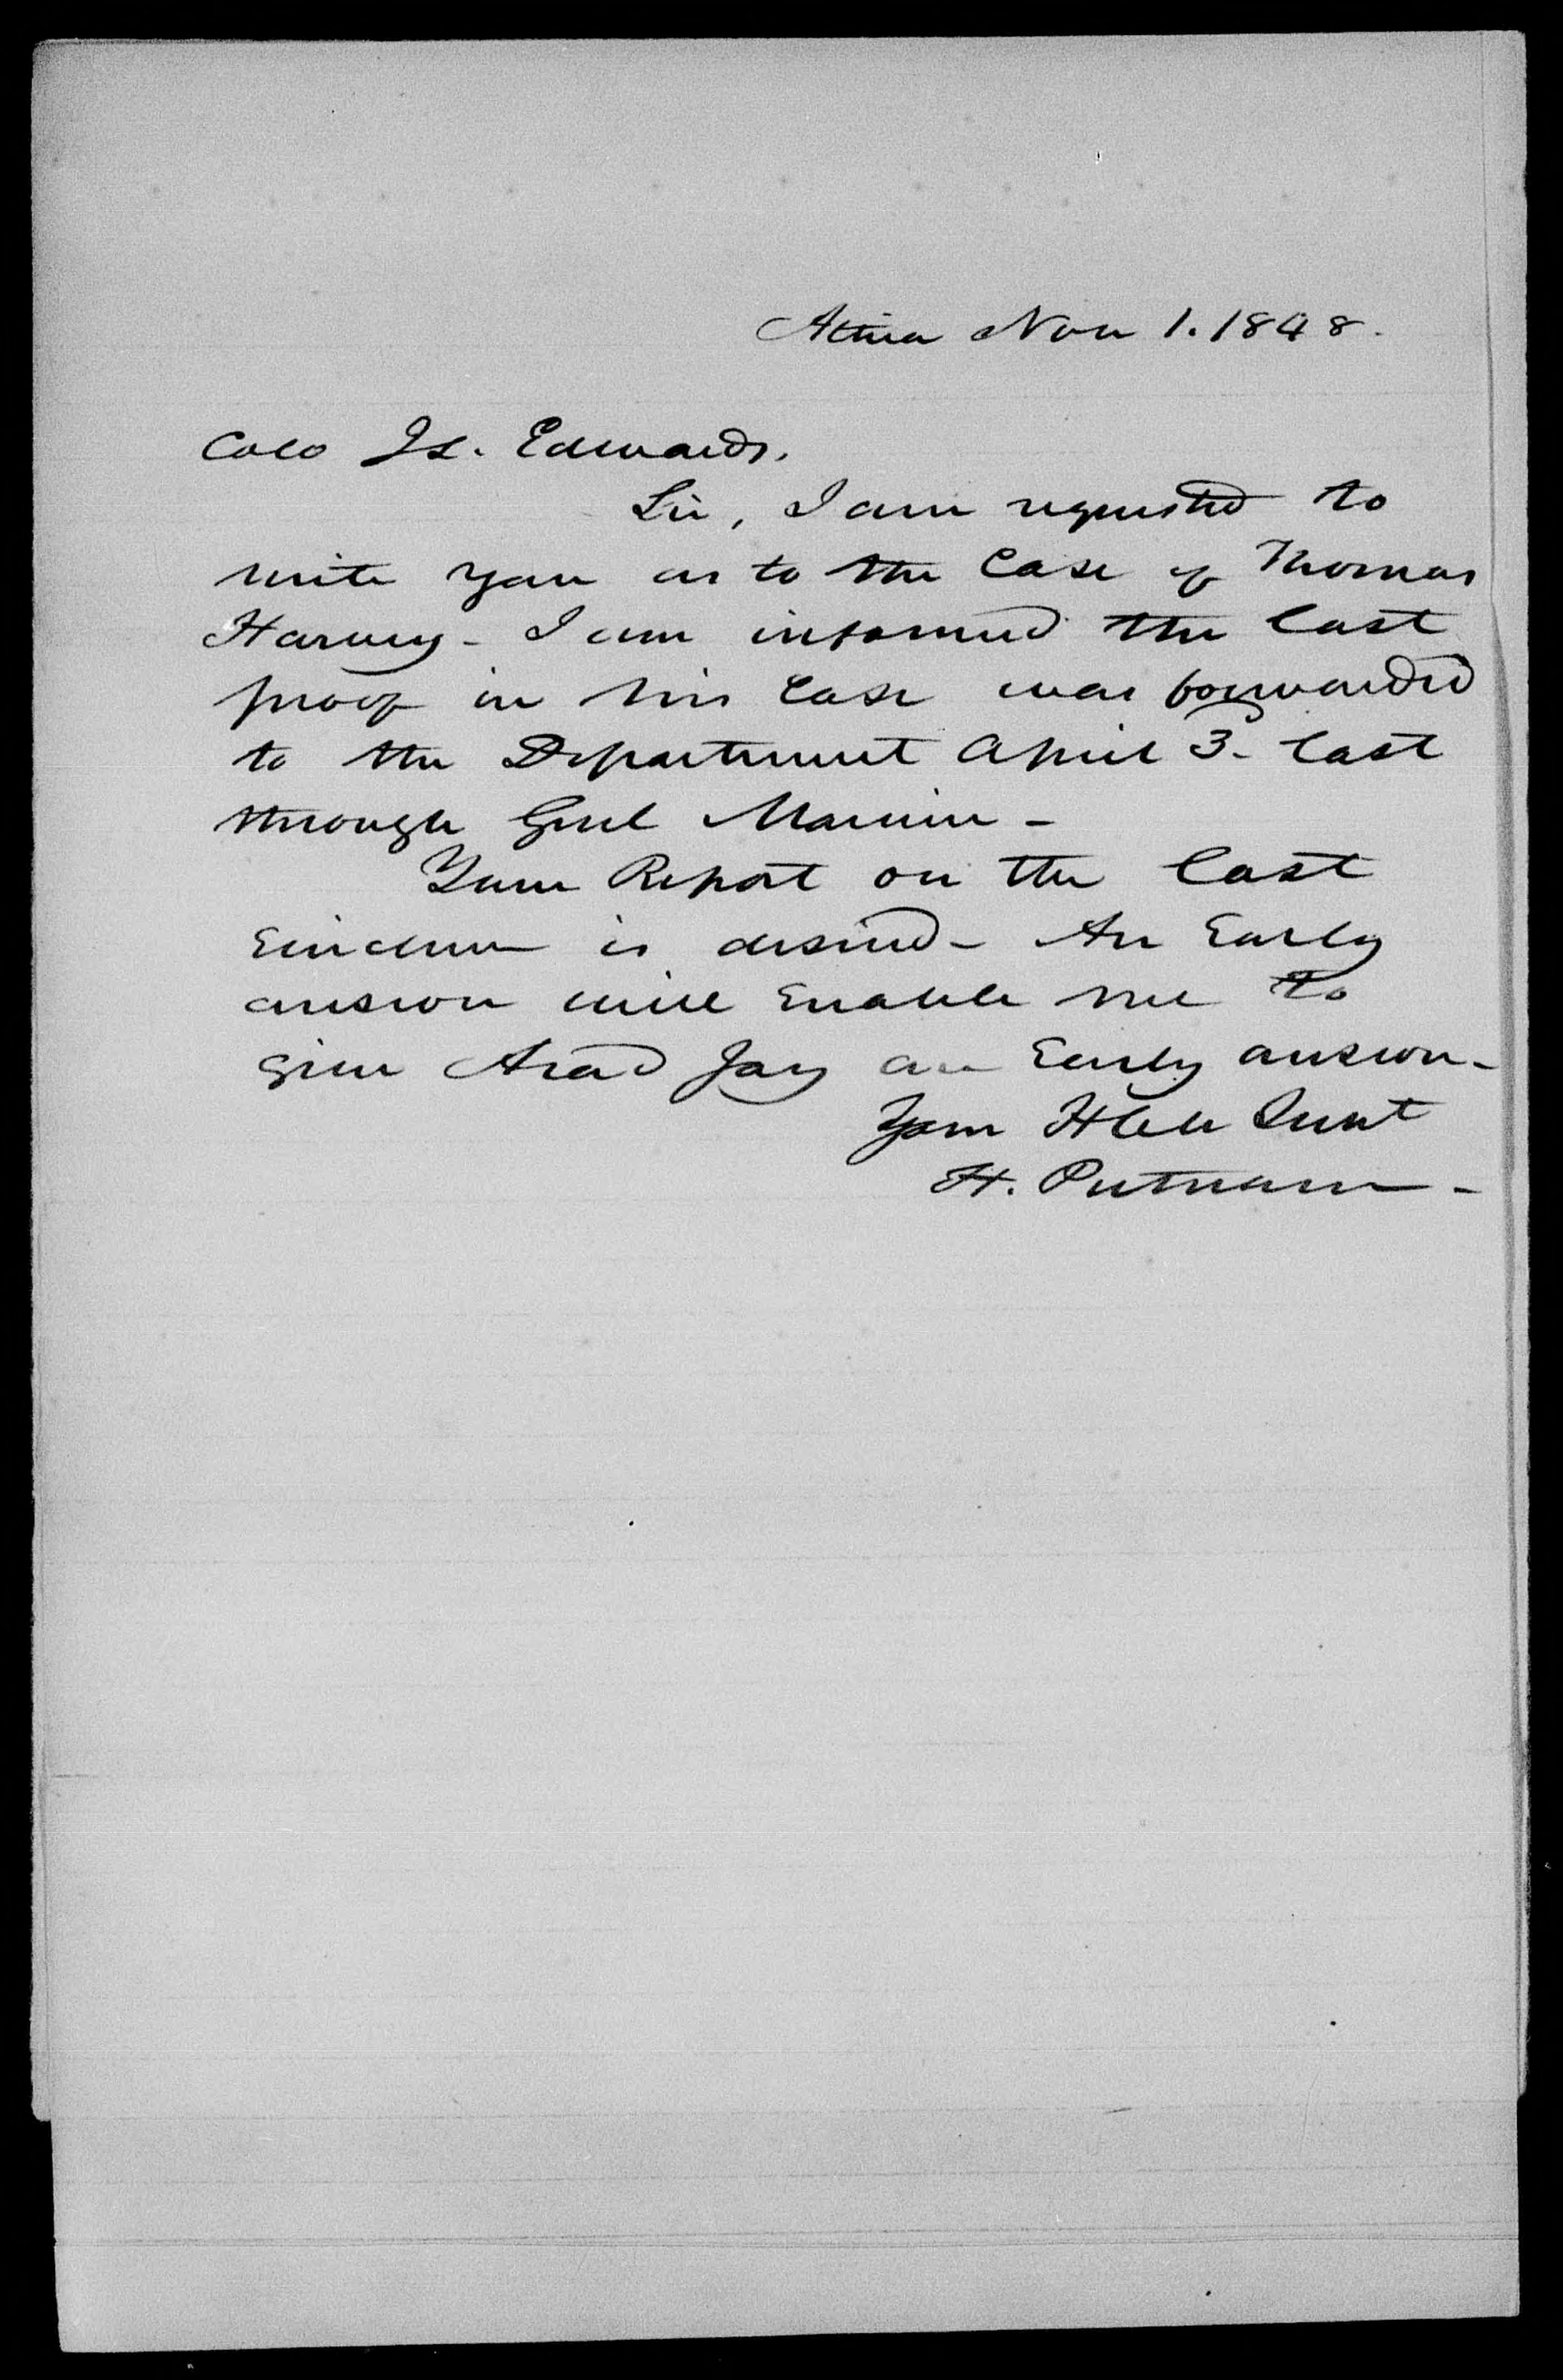[handwritten letter]
Attica Nov 1, 1848.

Colo J. S. Edwards,
Sir, I am requested to write you as to the Case of Thomas Harvey - I am informed the last proof in his case was  forwarded to the Department April 3d last through Gen'l Marvin - 
Your Report on the last evidence is desired - An early answer will enable me to give Arad Joy an early answer - 
Your Hble Serv't 
/s/H. Putnam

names: J L Edwards, Marvin, Thomas Harvey, Arad Joy, H Putnam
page: 20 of 80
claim: survivor's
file: S. 18008, Thomas Harvey, N.H.